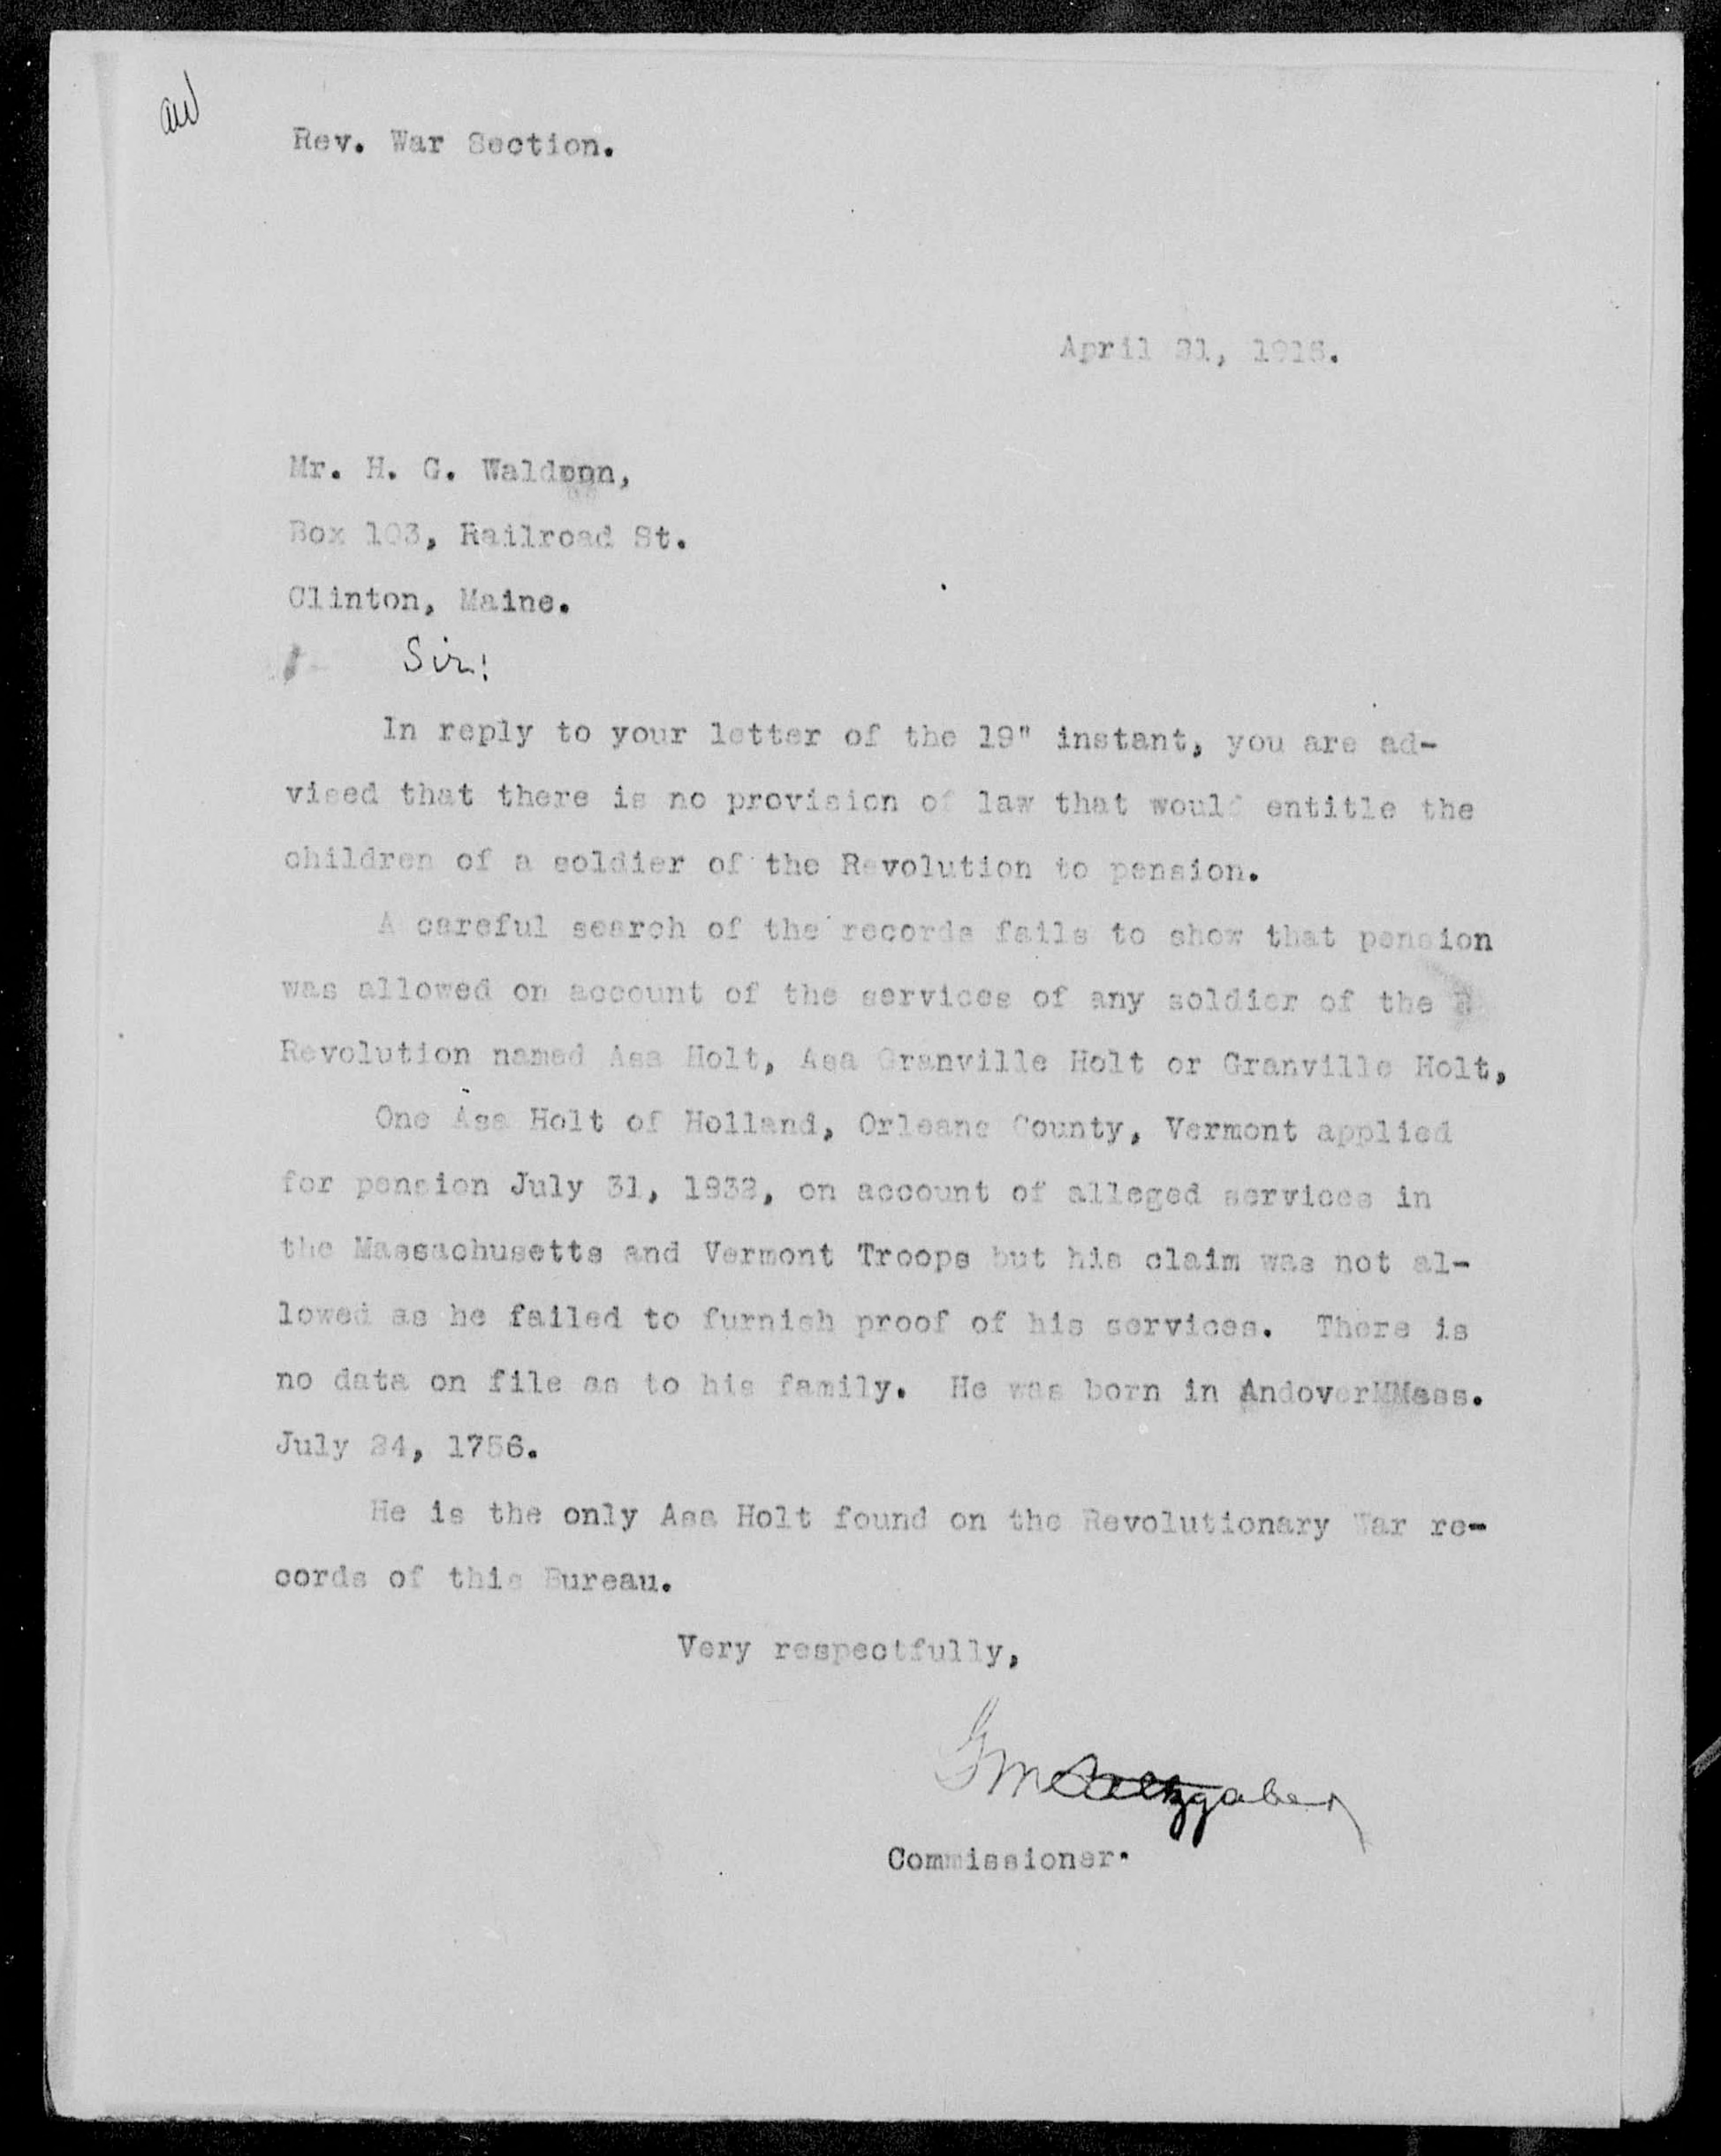a
Rev. War Section.
Mr. H. G. Waldon,
April 21, 1915
Box 103, Railroad St.
Clinton, Maine.
Sir
In reply to your letter of the 19” instant, you are advised that there is no provision of law that would entitle the children of a soldier of the Revolution to pension.
A careful search of the records fails to show that pension was allowed on account of the services of any soldier of the Revolution named Asa Holt, Asa Granville Holt or Granville Holt,
One Asa Holt of Holland, Orleans County, Vermont applied for pension July 31, 1832 on account of alleged services in the Massachusetts and Vermont Troops but his claim was not allowed as he failed to furnish proof of his services. There is no data on file as to his family. He was born in Andover Mass.
July 24, 1756.
He is the only Asa Holt found on the Revolutionary War records of this Bureau.
Very respectfully,
G W Saltzgaber
Commissioner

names: Asa Holt, G W Saltzgaber, Asa Holt, Asa Holt, Granville Holt, H G Waldron, Granville Holt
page: 6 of 24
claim: rejected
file: R. 5180, Asa Holt, Mass. Vt.